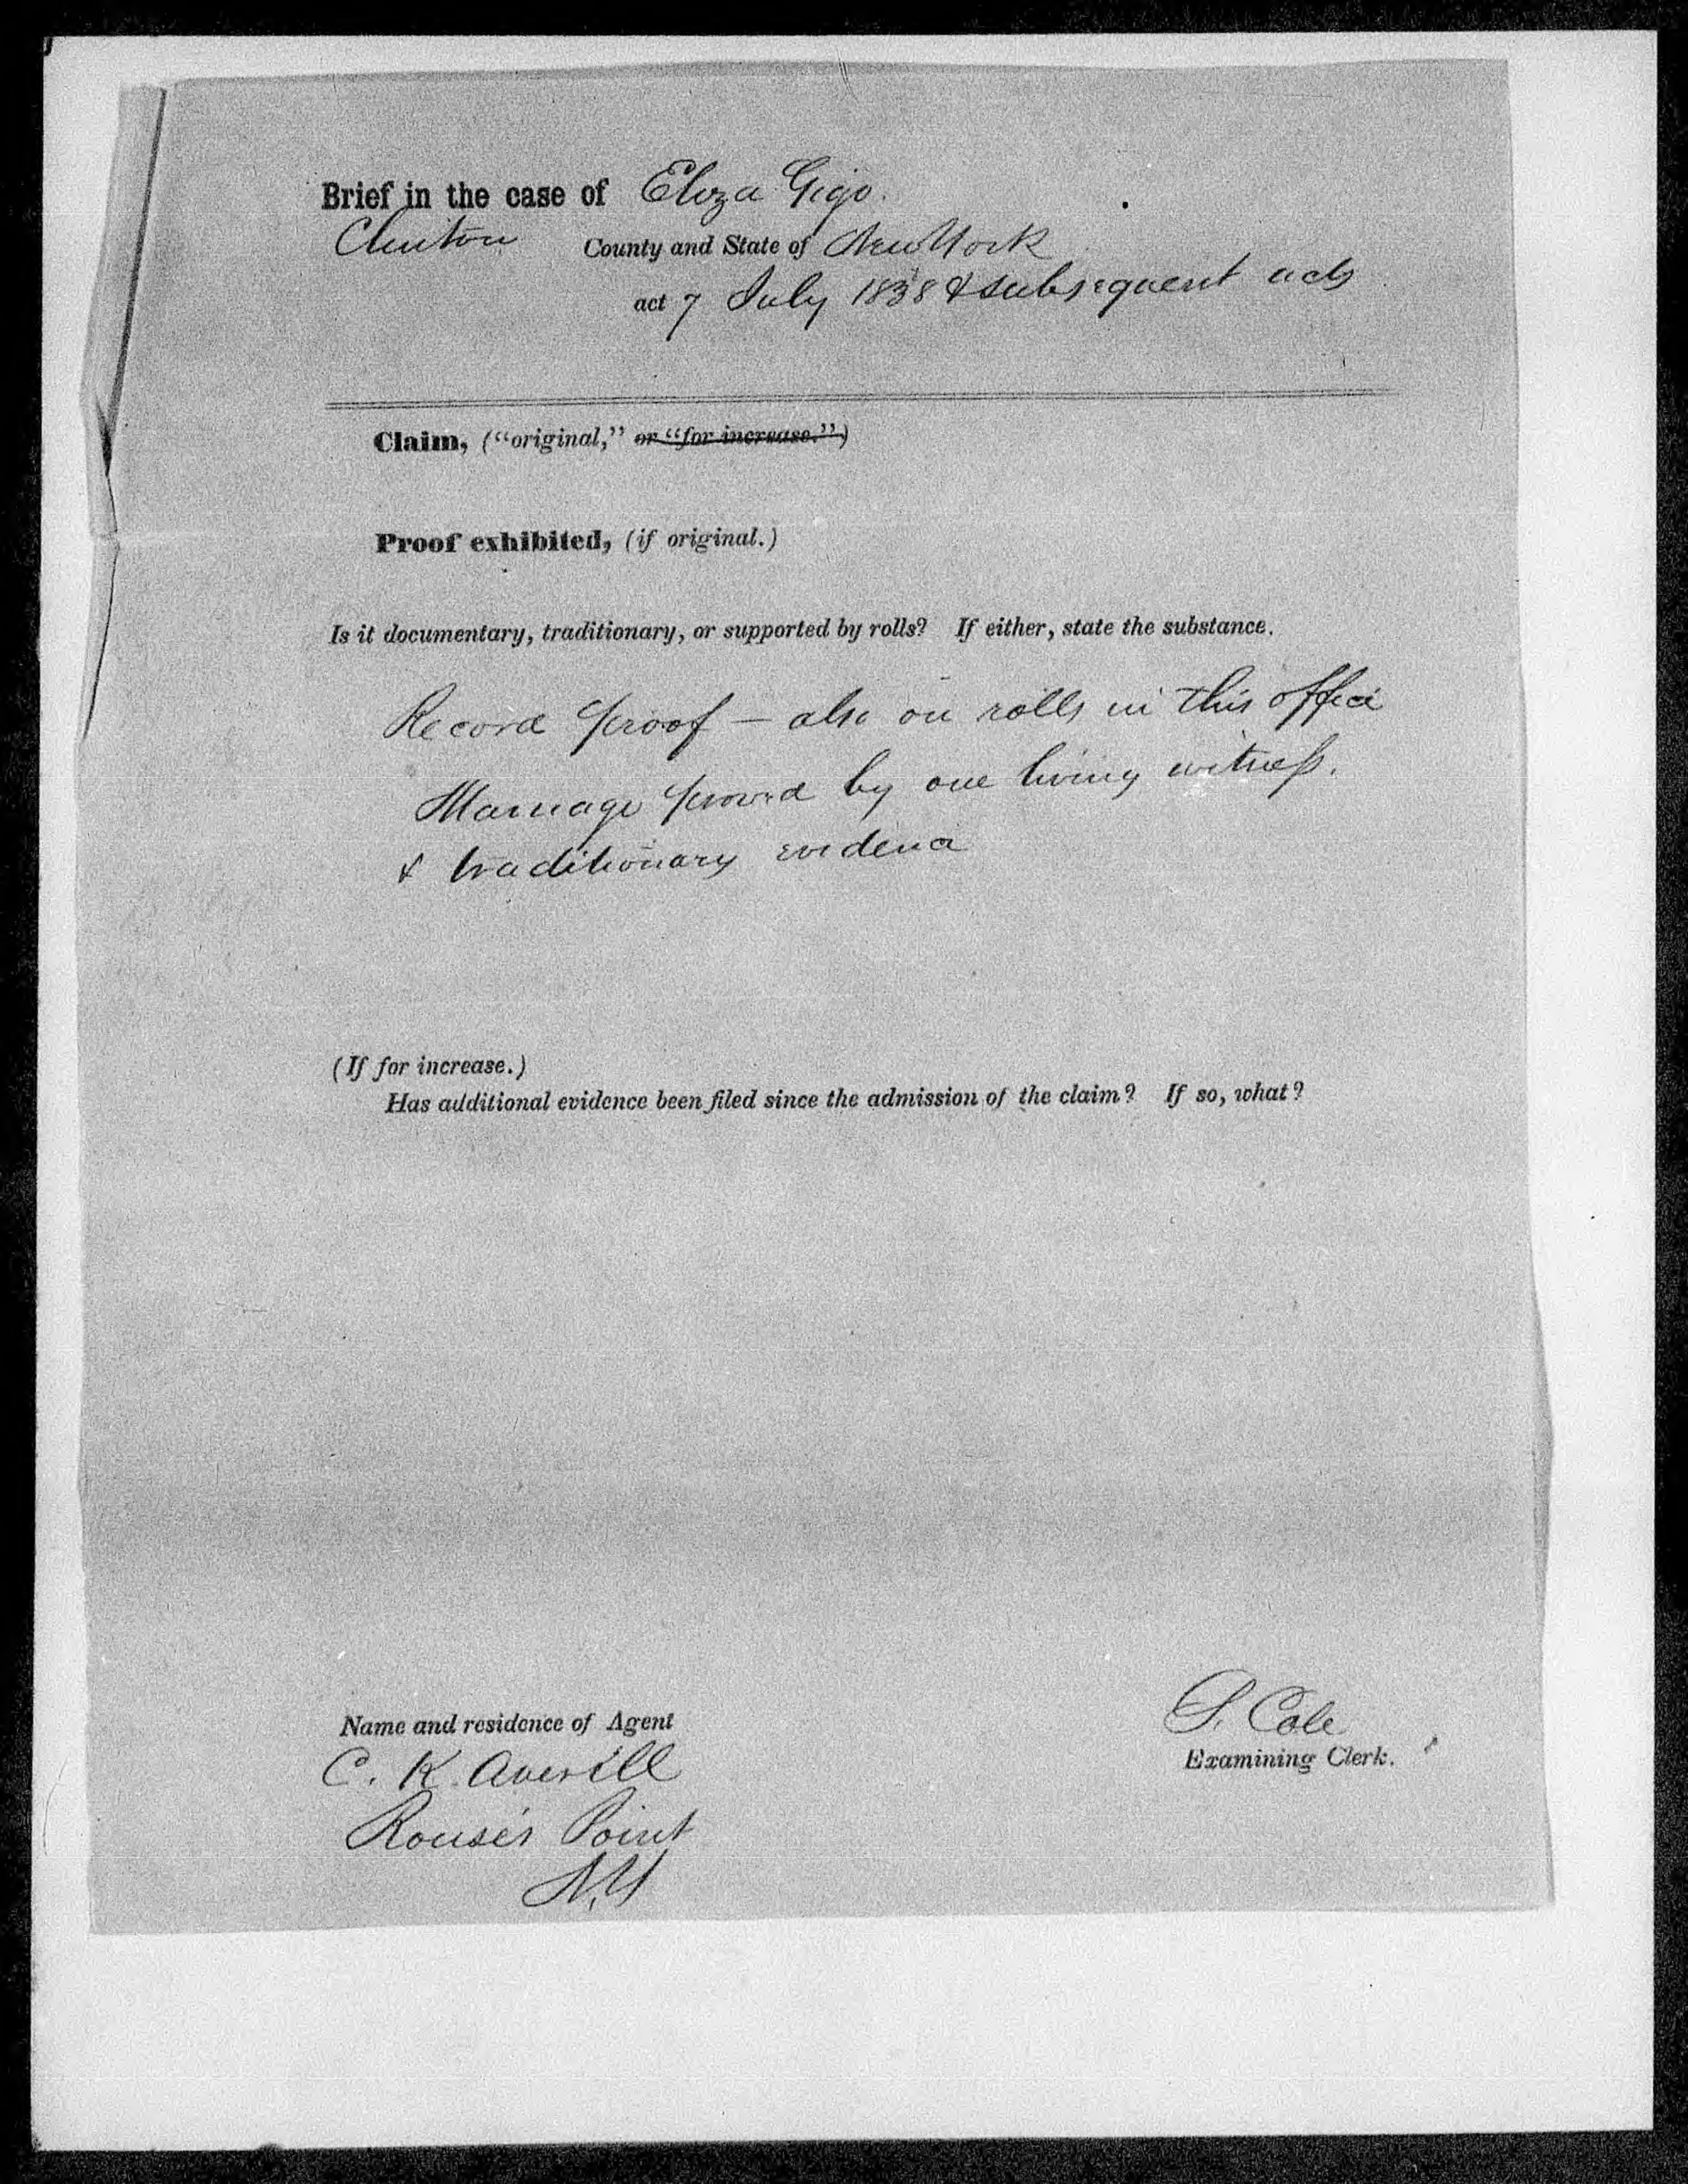Brief in the case of Eliza Gigo
Clinton County and State of New York
act of July 1838 & subsequent acts

Claim ("original" )  ("or for increase" crossed out)
Proof exhibited, (if original)
Is it documentary, traditionary, or supported by rolls? If either, state the substance.

Record proof - also on rolls in this office
Marriage proved by one living witness & traditionary evidence

(If for increase) Has additional evidence been filed since the admission of the claim? If so, what?

Name and resident of Agent
C. K. Averill  Rouse's Point, N.Y.

P. Cole, Examining Clerk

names: C K Averill, Eliza Gigo, S Cole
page: 72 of 98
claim: widow's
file: W. 21182, Francis Gigo, Continental (Canadian)